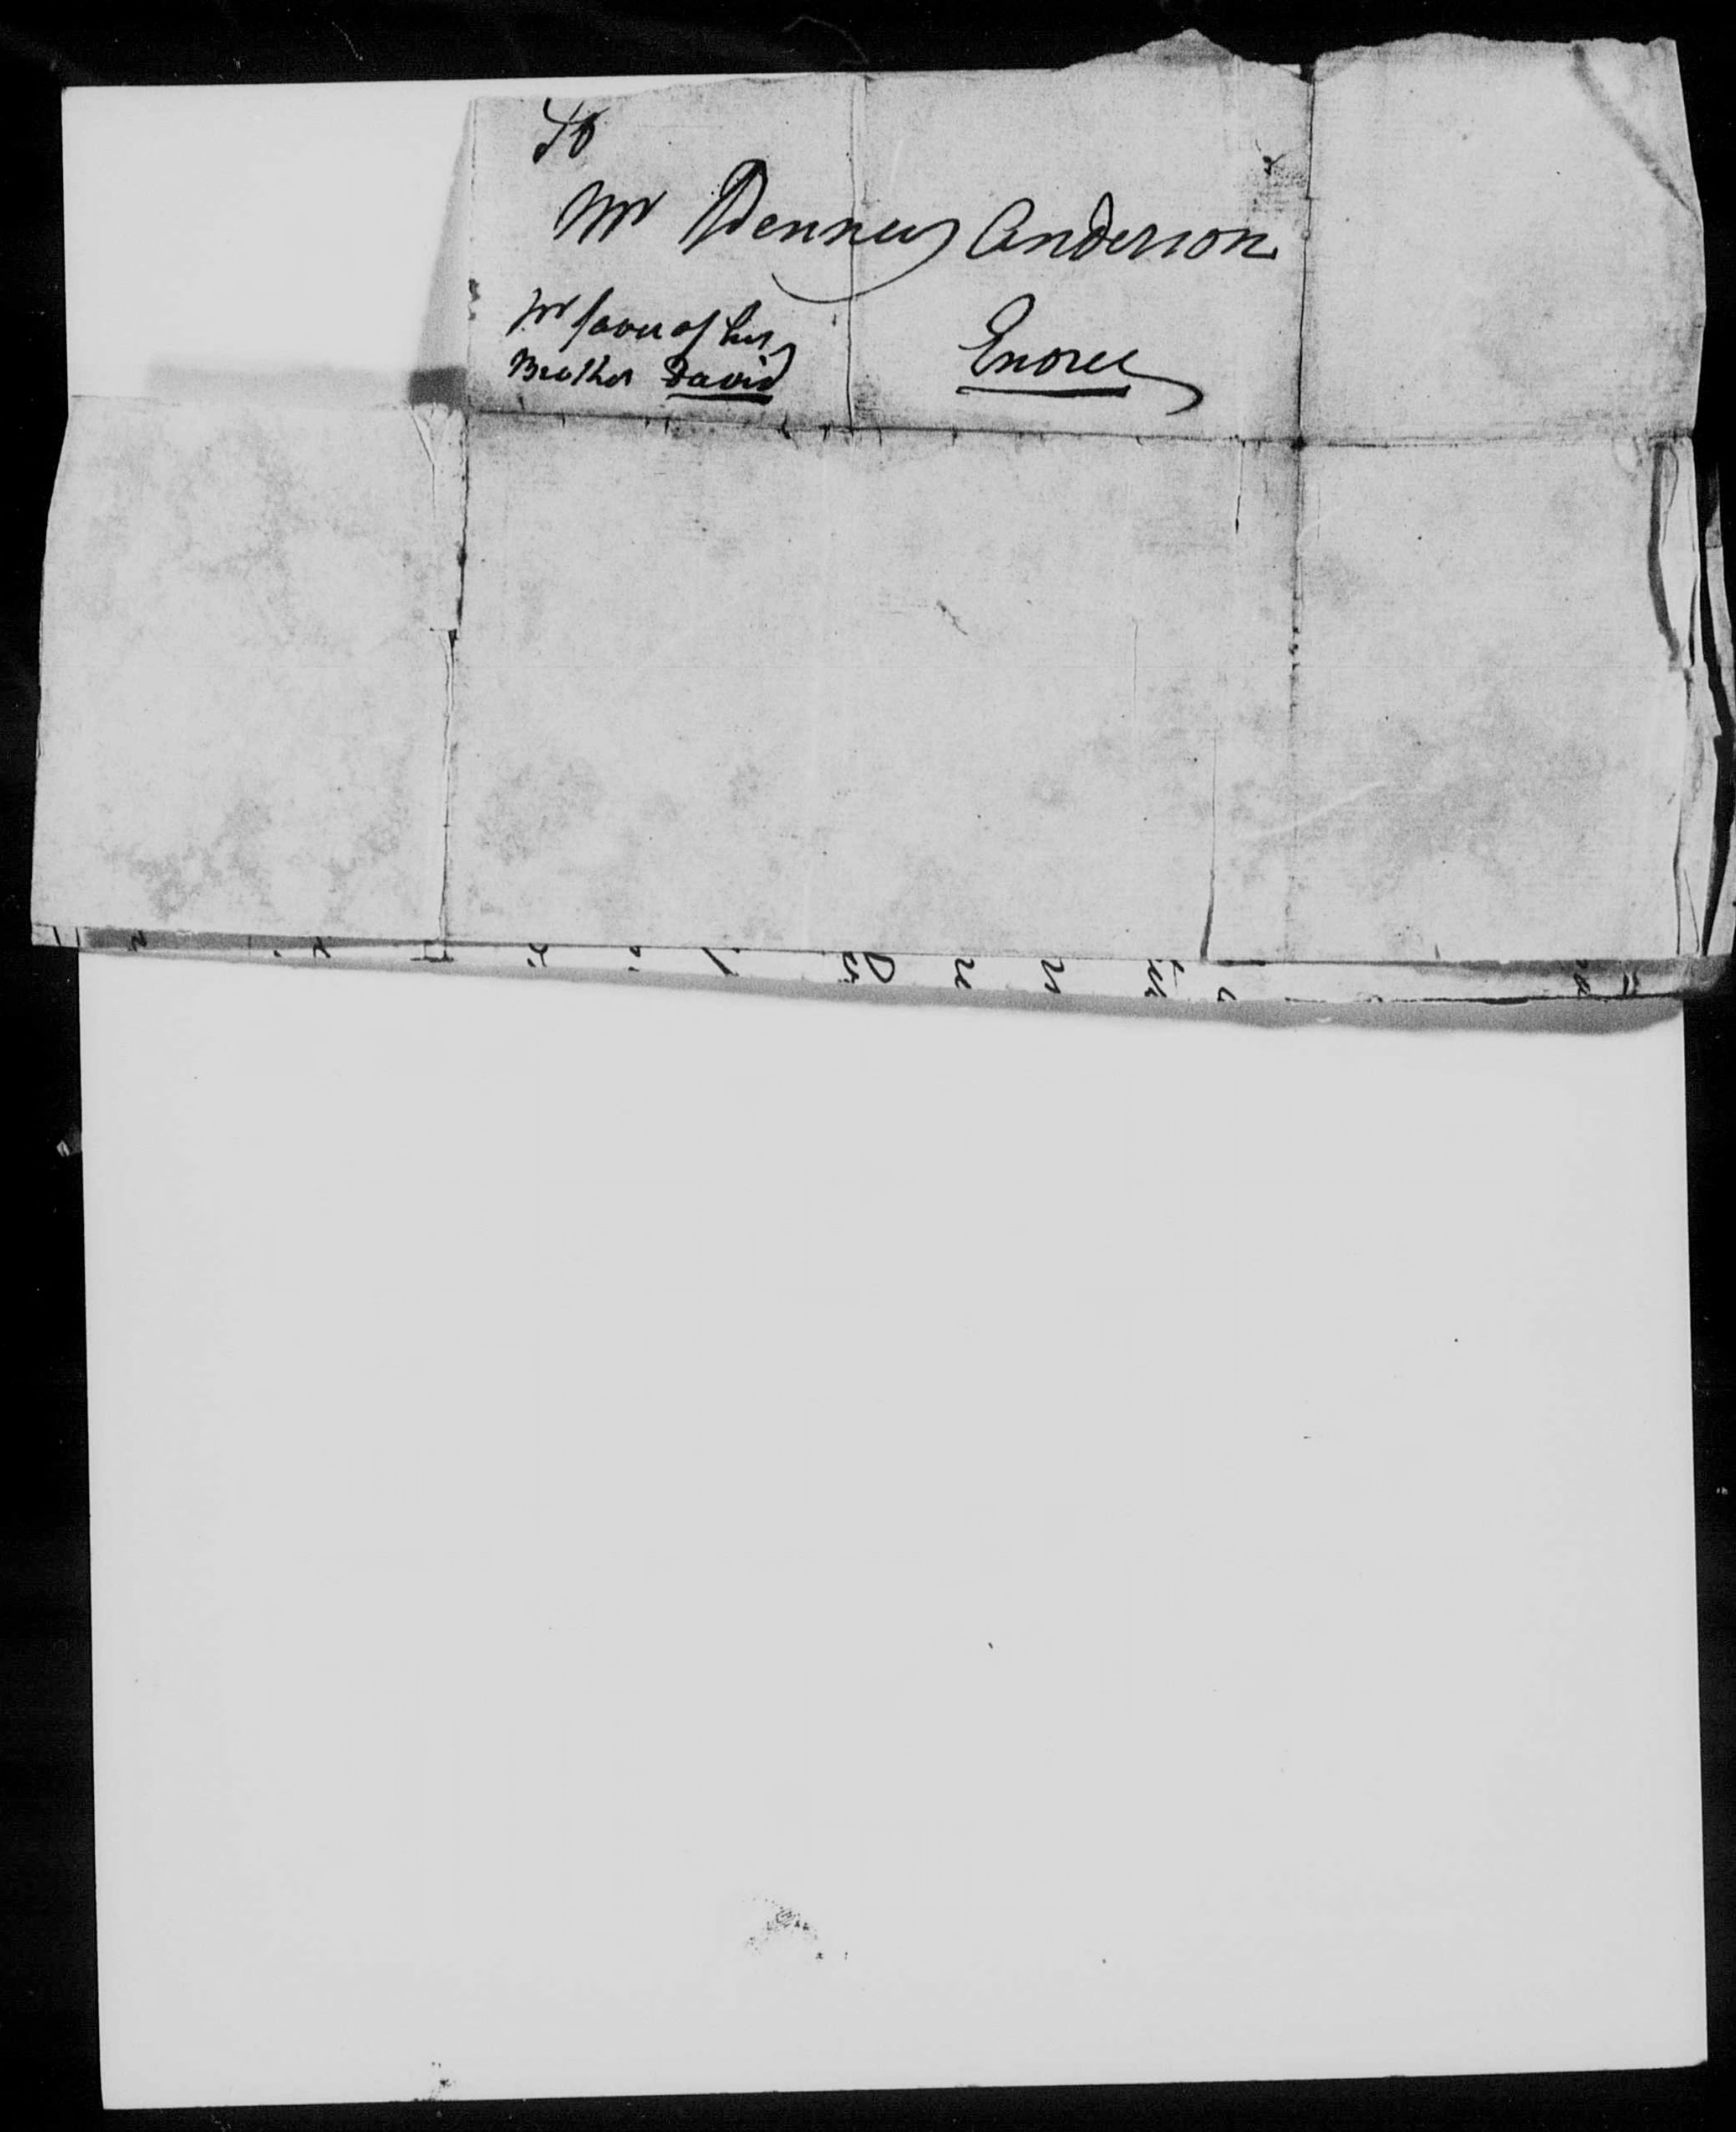To
Mr Denney Anderson
Enoree
for favor of his
Brother Davis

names: David, Denney Anderson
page: 37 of 51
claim: widow's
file: W. 9700, Denney Anderson, S.C.